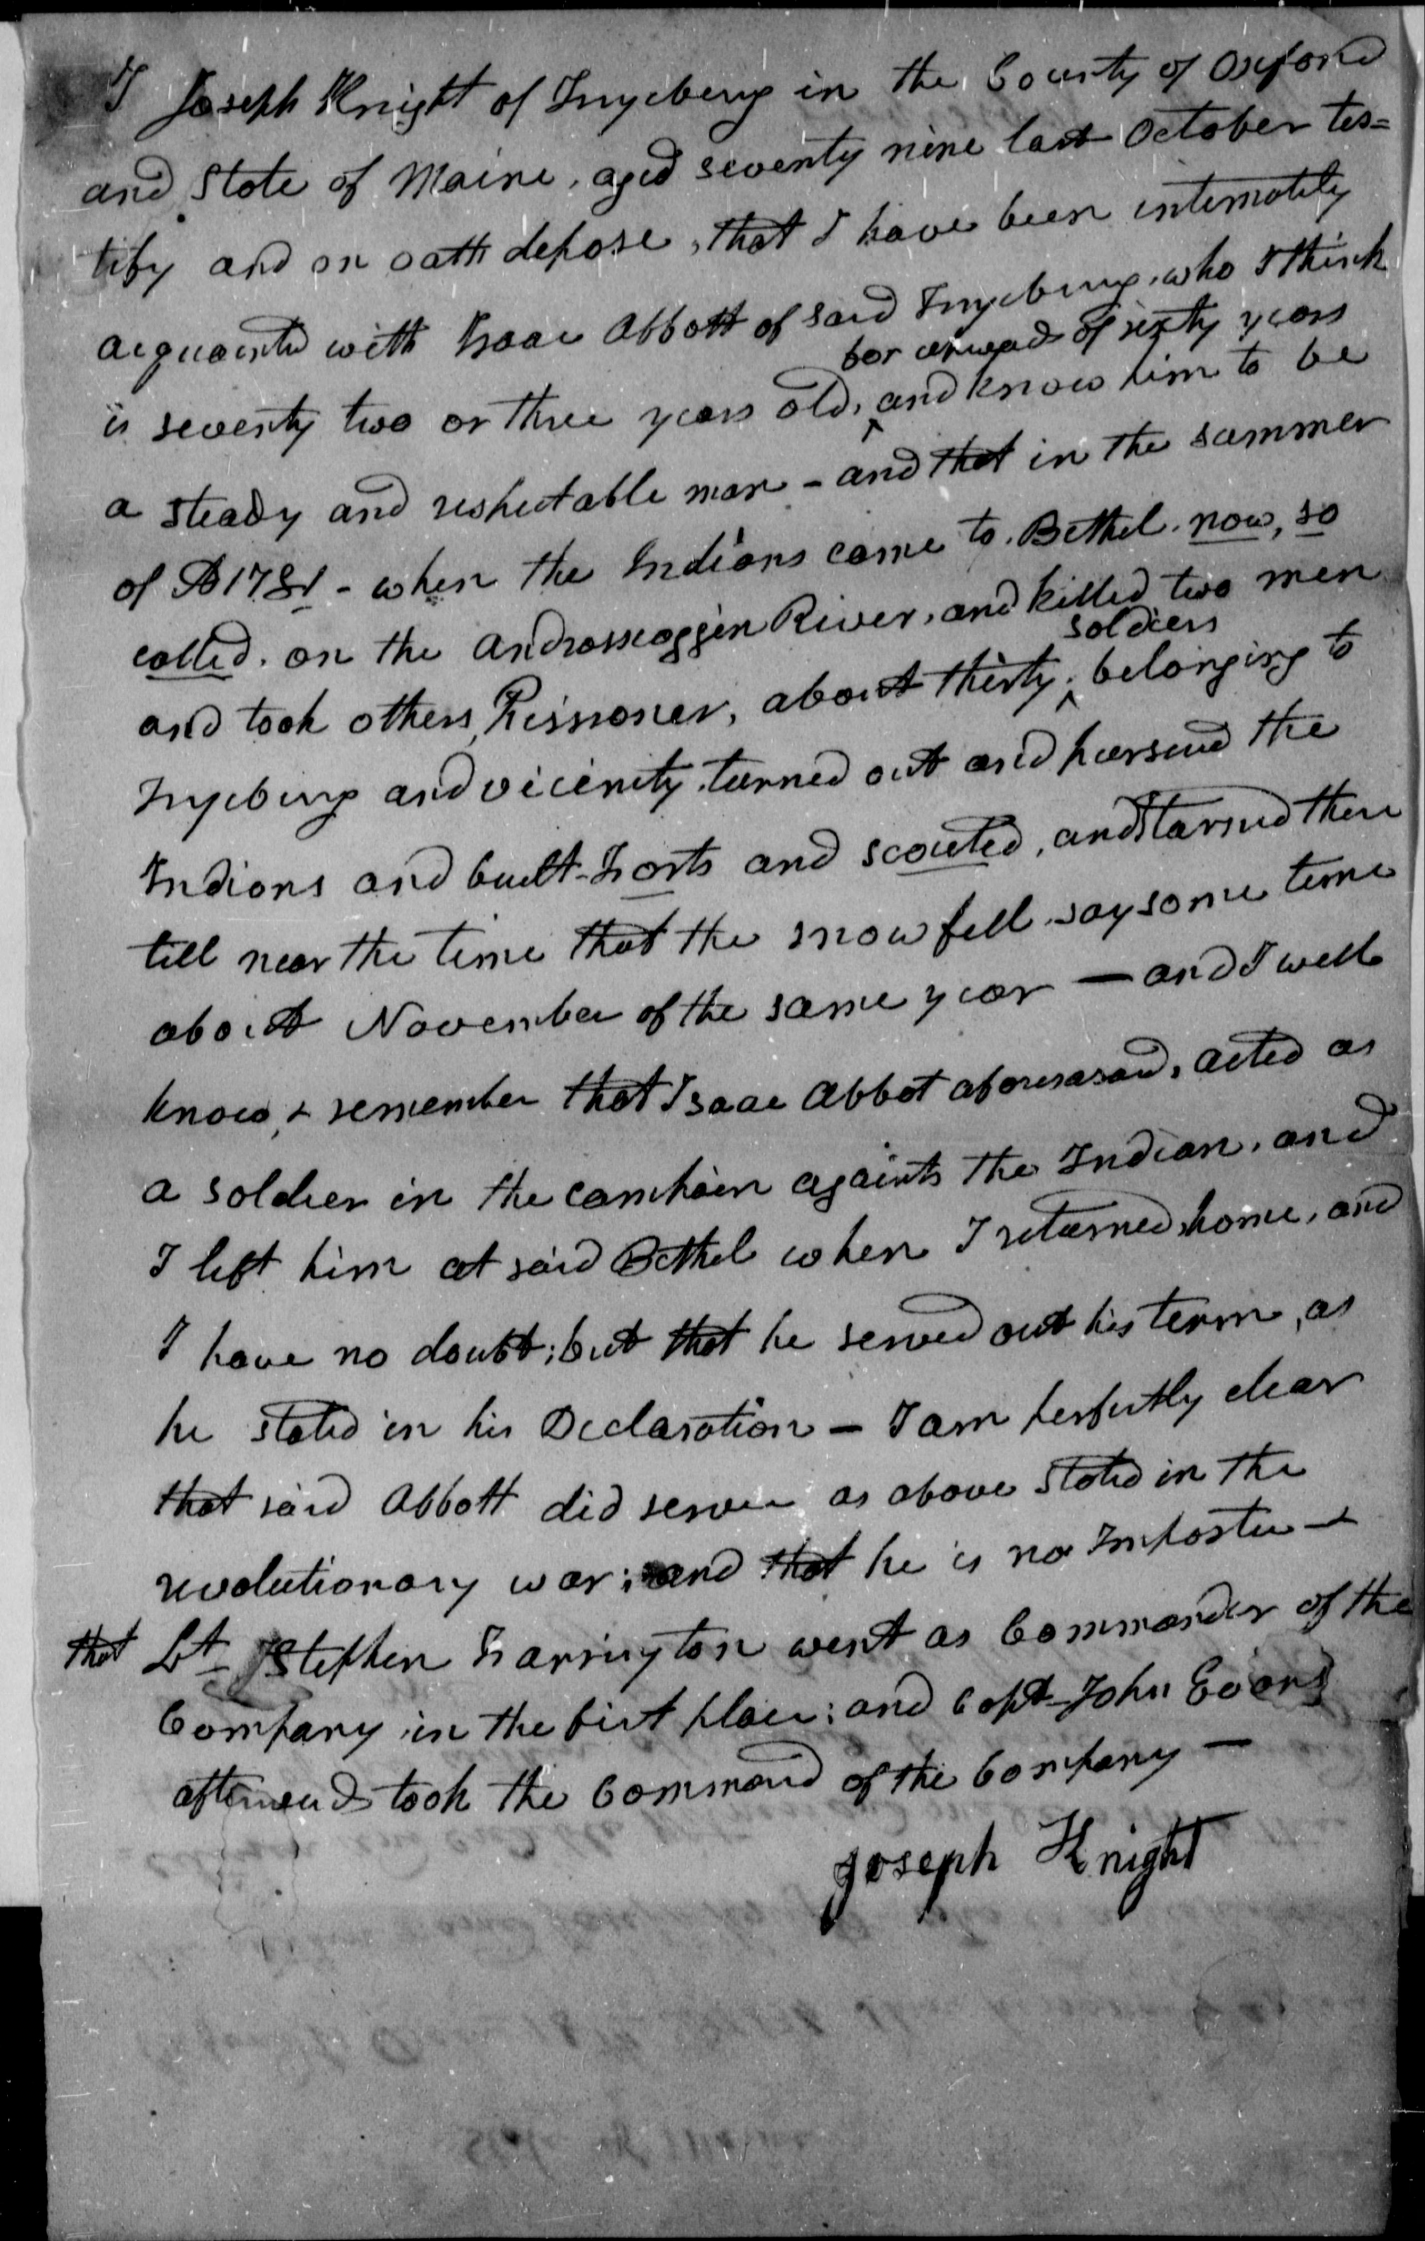I, Joseph knight of Fryeburg, in the County of Oxford and State of Maine, aged seventy-nine last October, testify and on oath depose, that I have been intimately acquainted with Isaac Abbott of said Fryeburg, who I think is seventy-two or three years old, for upwards of sixty years, and know him to be a steady and respectable man - and that in the Summer of A.D. 1781 - when the Indians came to Bethel, now so called, on the Androscoggin River, and killed two men and took others prisoner, about thirty soldiers belonging to Fryeburg and vicinity turned out and pursued the Indians and built forts and scouted, and stayed there till neat the time that the snow fall season time, about November of the same year - and I well know + remember that Isaac Abbott aforesaid, acted as a soldier in the campaign against the Indian, and I left him at said Bethel when I returned home, and I have no doubt; but that he served out his term as he stated in his Declaration - I am perfectly clear that said Abbott did serve as above stated in the Revolutionary War; and that he is no imposter + that Lt. Stephen Farrington went as Commander of the Company in the first place; and Capt. John Evans afterwards took the command of the Company -

[SIGNED: Joseph Knight]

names: Stephen Farrington, Joseph Knight, Isaac Abbott, Isaac Abbot, Abbott, Joseph Knight, John Evans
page: 38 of 86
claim: survivor's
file: S 29,568, Isaac Abbot, Mass